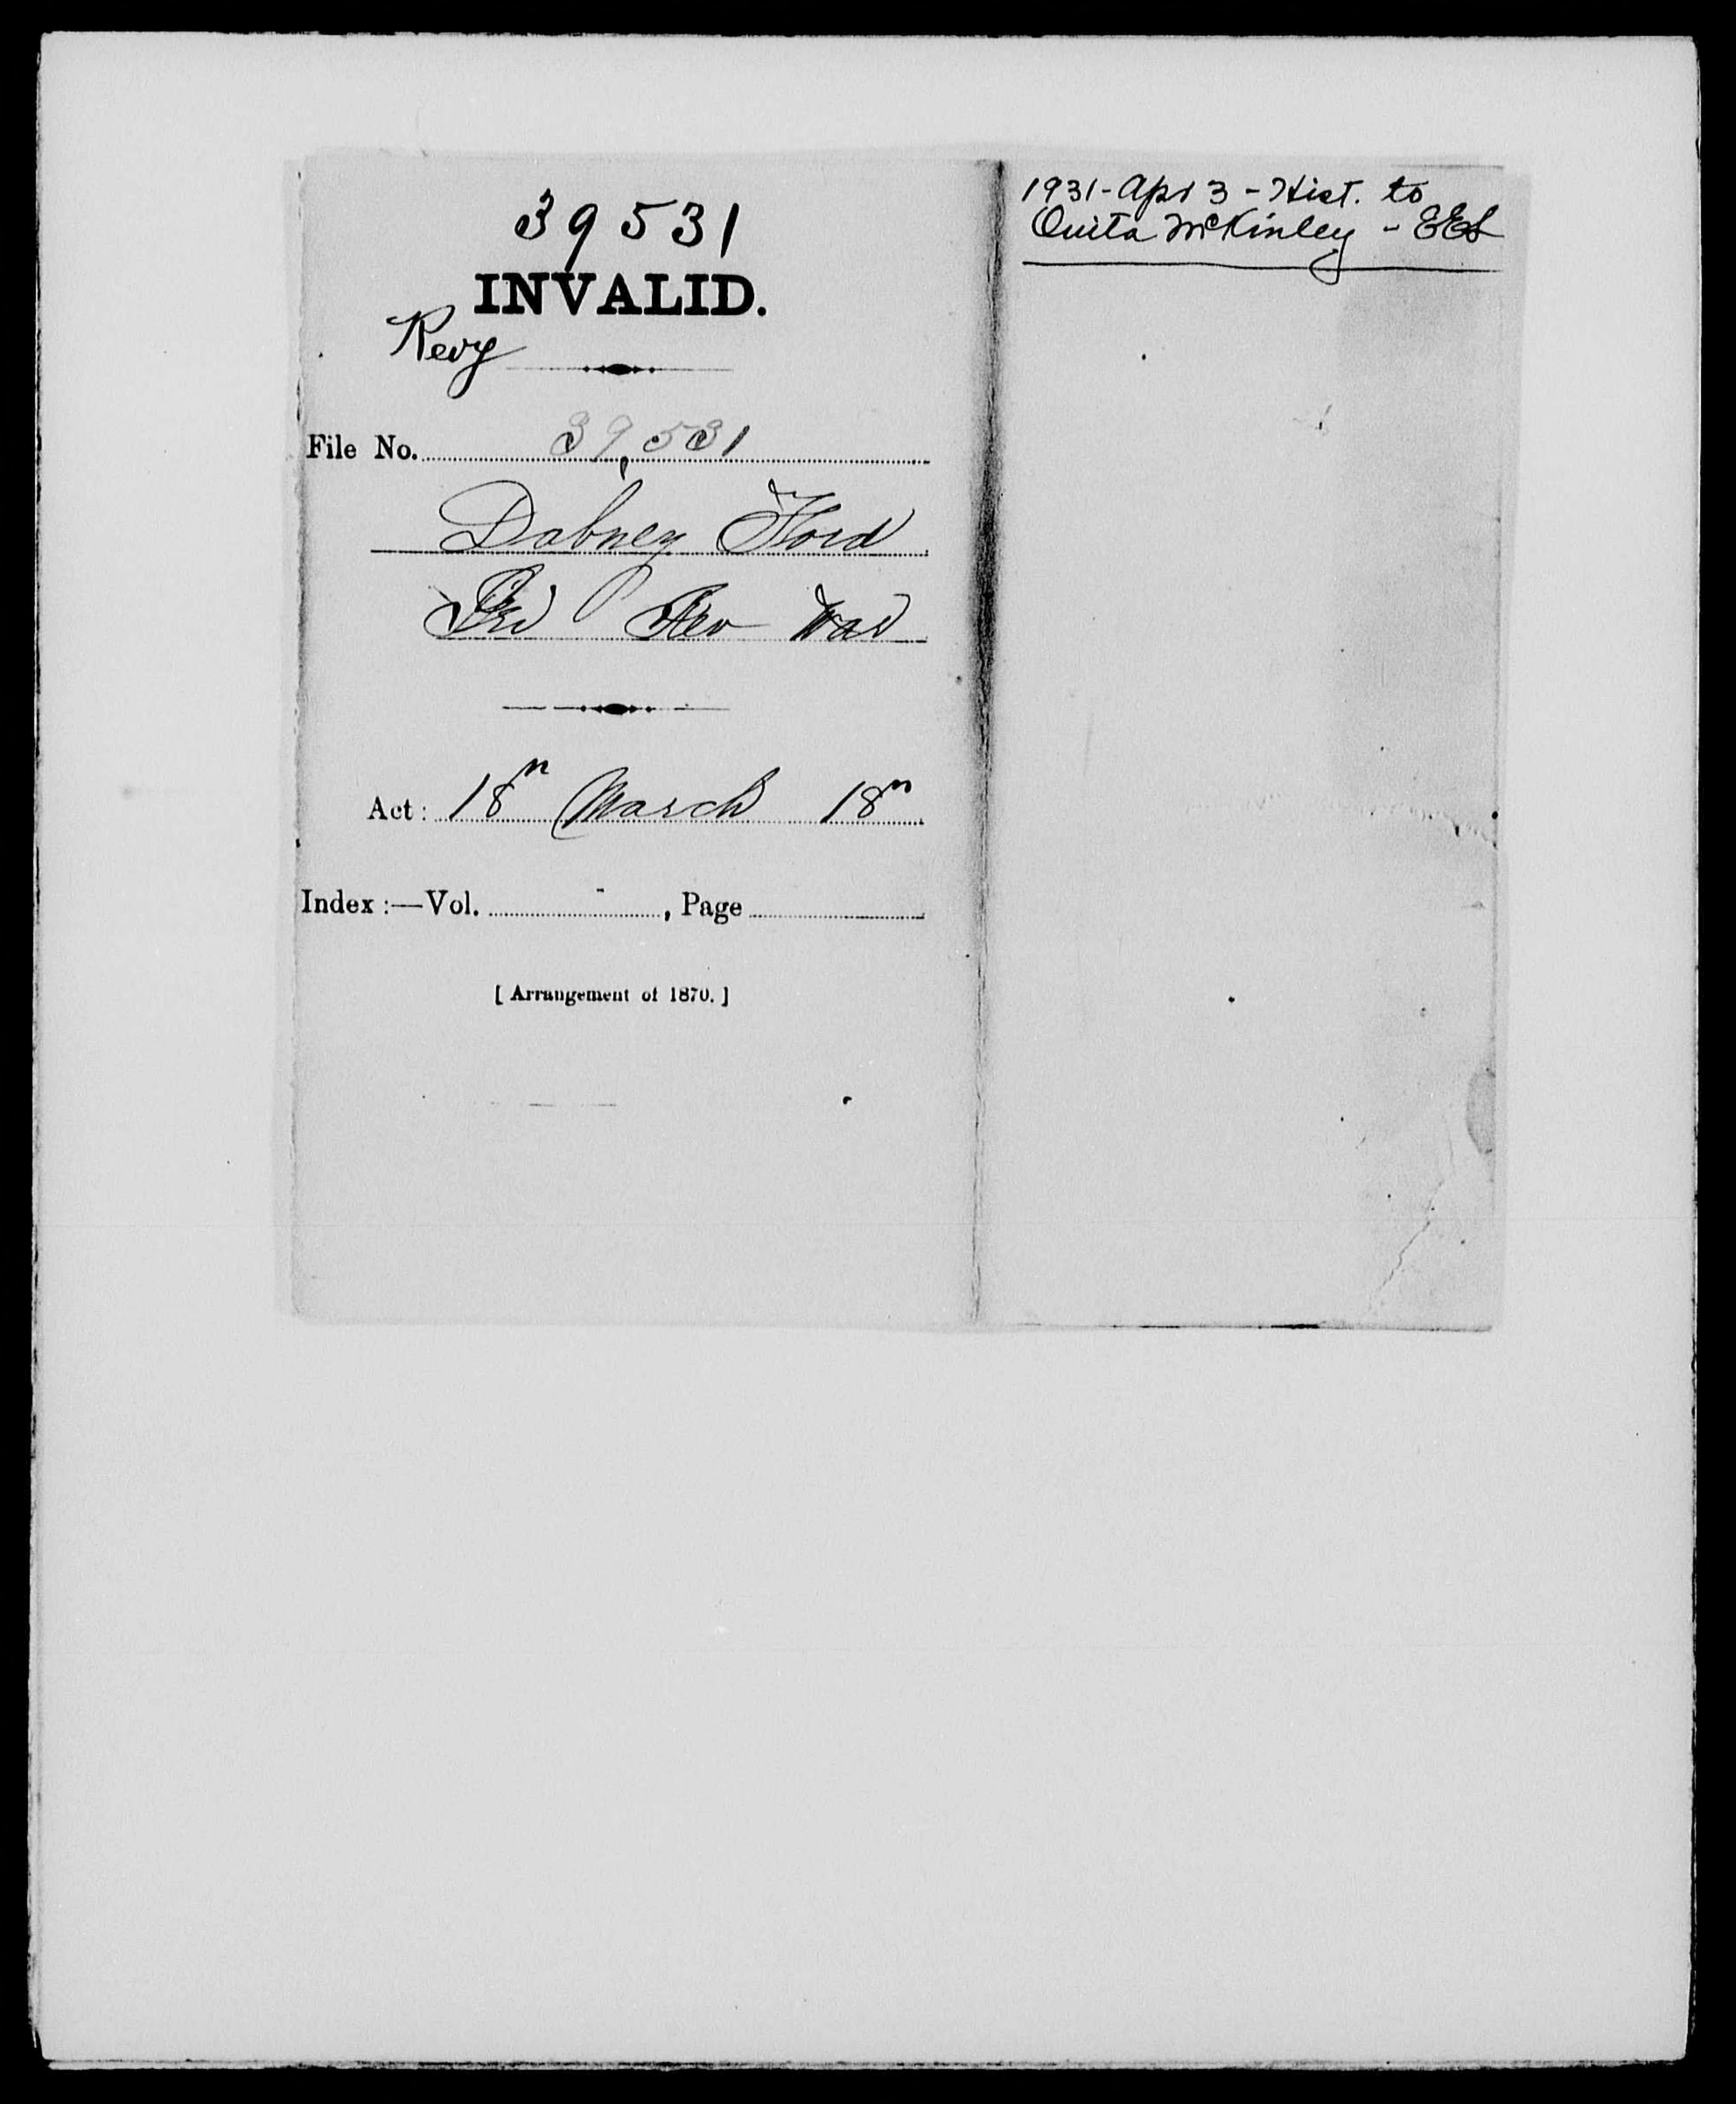[left side of page]

                39351
               INVALID
            Revy
               ---***---
    File No.   39.531

              Dabney Ford
              Pri  Rev  War
                ---***---

    Act:   18" March  18"
 
Index:-- Vol.__________,  Page_____
               
     [arrangement of 1870]

[right side of page]

1931-Apr 3-Hist. to
Quita McKinley-EES
________________________________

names: Ouita Mc Kinley, Dabney Ford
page: 2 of 11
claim: survivor's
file: S. 39531, Dabney Ford, Va.